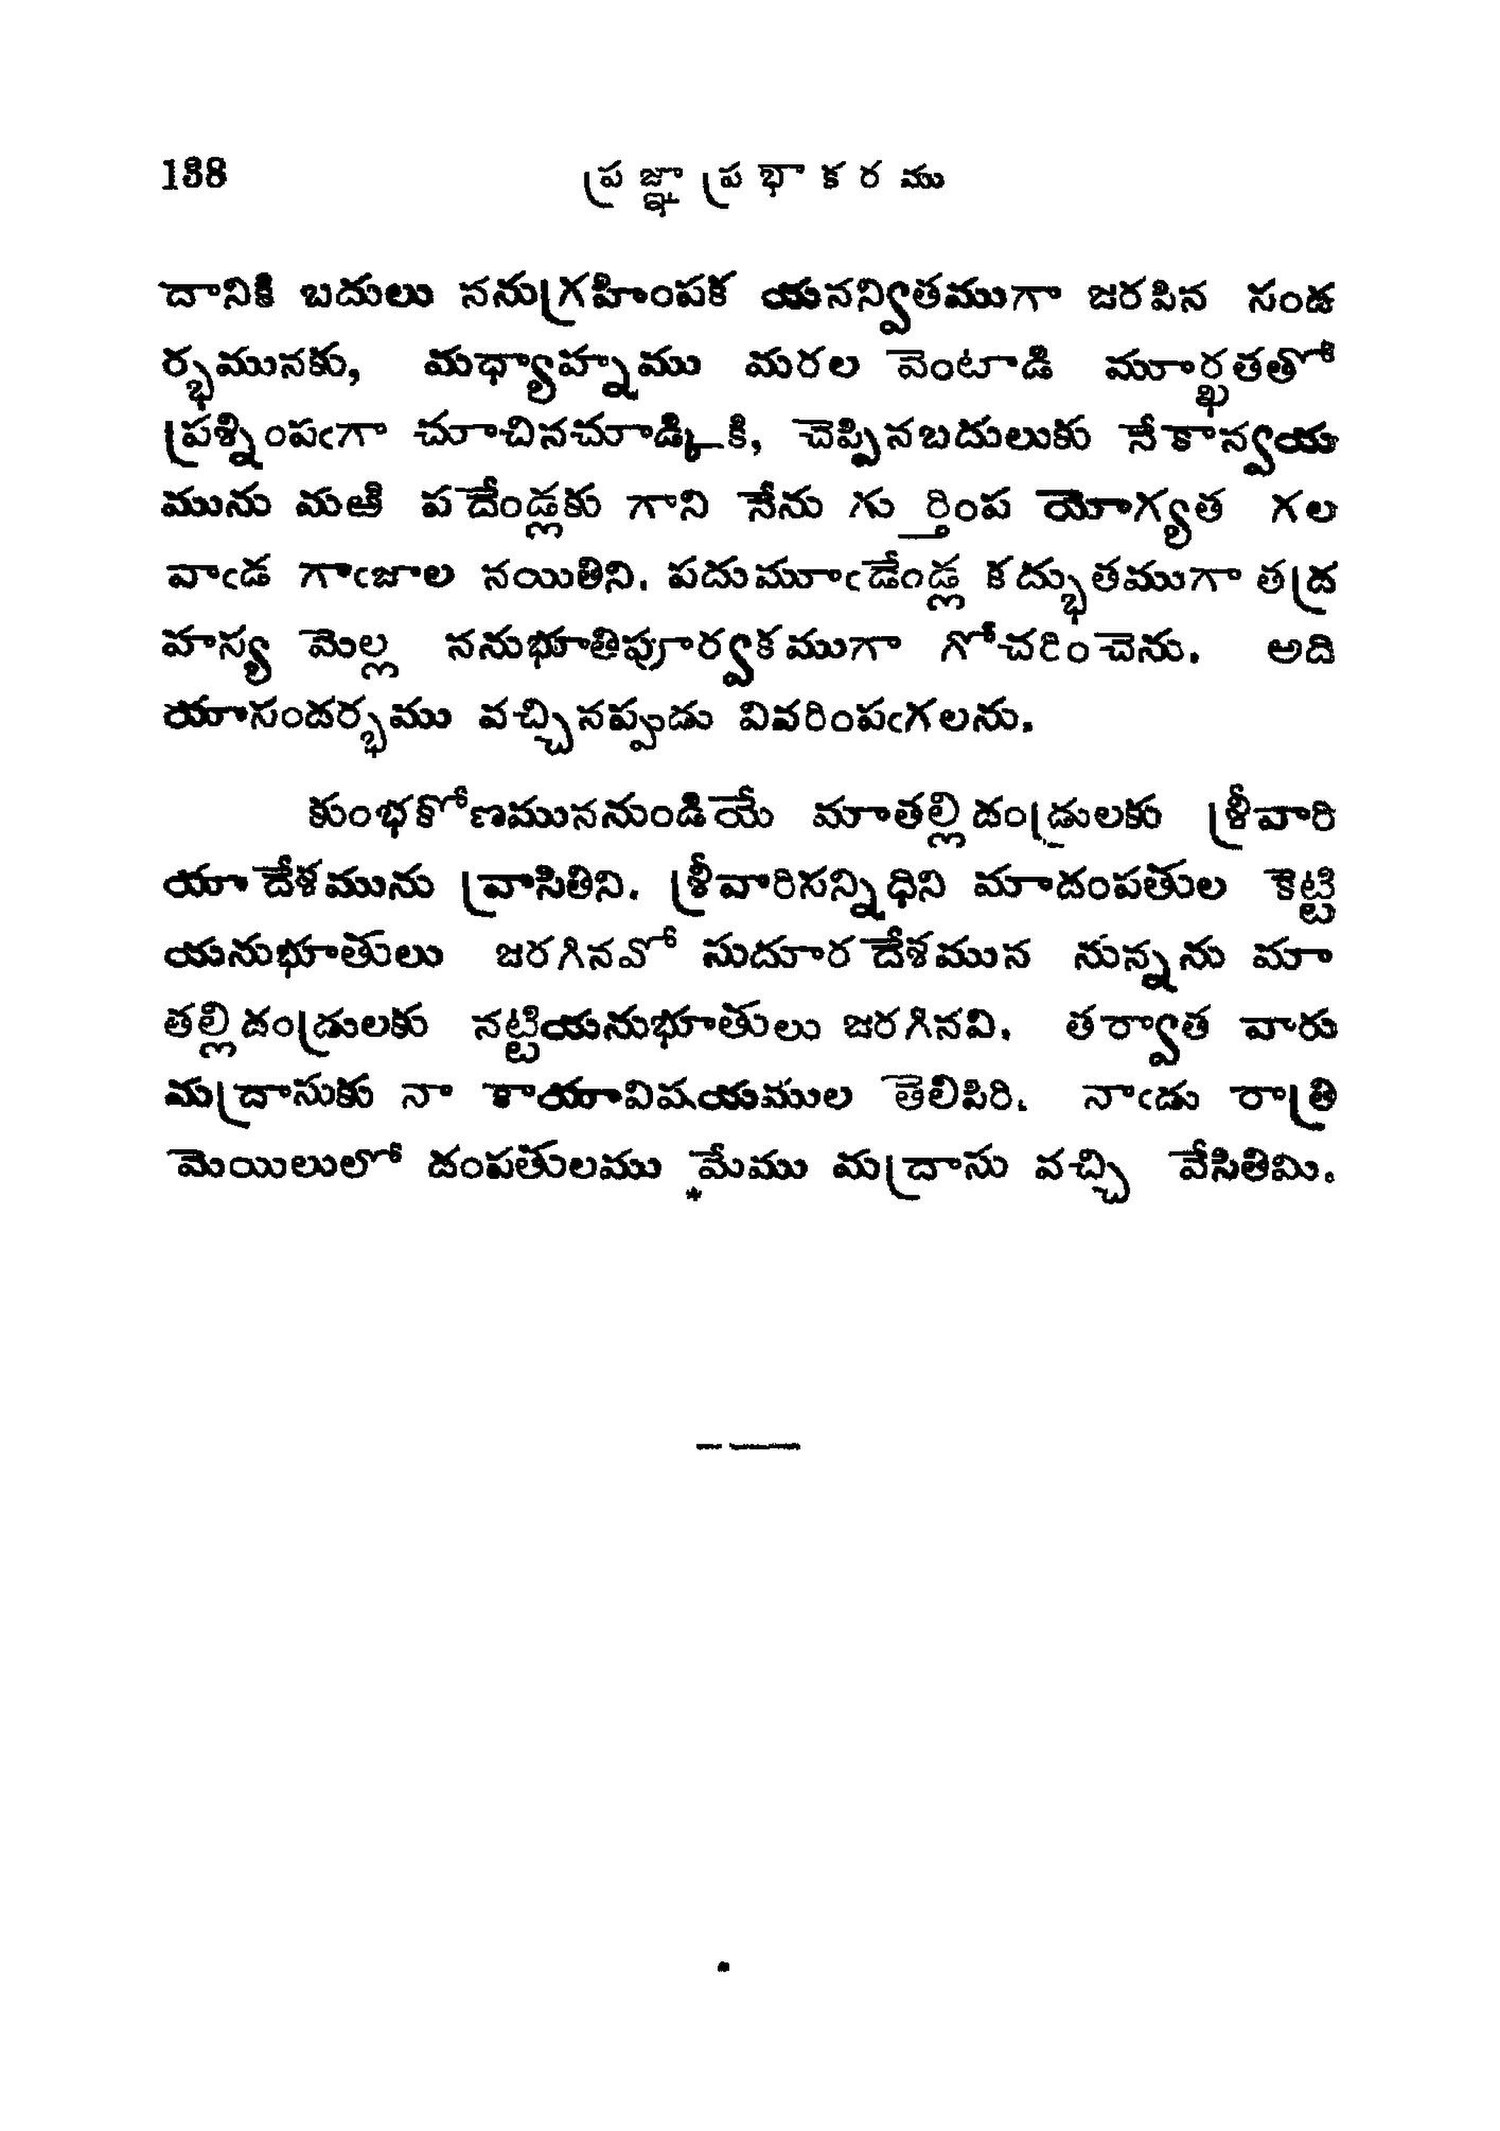దానికి బదులు ననుగ్రహింపక యనన్వితముగా జరపిన సందర్భమునకు, మధ్యాహ్నము మరల వెంటాడి ముర్ఖతతో ప్రశ్నింపఁగా చూచినచూడ్కికి, చెప్పిన బదులుకు నే కాన్వయమును మఱి పదేండ్లకు గాని నేను గుర్తింప యోగ్యత గల వాఁడ గాఁజాల నయితిని. పదమూఁడేండ్లకు కద్భుతముగా తద్రహస్య మెల్ల ననుభూతి పూర్వకముగా గోచరించెను. అది యాసందర్భము వచ్చినప్పుడు వివరింపఁ గలను. 

 కుంభకోణముణ నుండి యే మా తల్లిదండ్రులకు శ్రీవారు యా దేశమును వ్రాసితిని. శ్రీవారిసన్నిధిని మాదంపతుల కెట్టి యనుభూతులు జరగినచో సుదూర దేశమున నున్నను మా తల్లిదండ్రులకు నట్టియనుభూతులు జరిగినవి. తర్వాత వారు మద్రాసుకు నా కాయా విషయముల తెలిపిరి. నాఁడు రాత్రి మెయిలులో దంపతులము మేము మద్రాసు వచ్చి వేసితిమి.

 ----